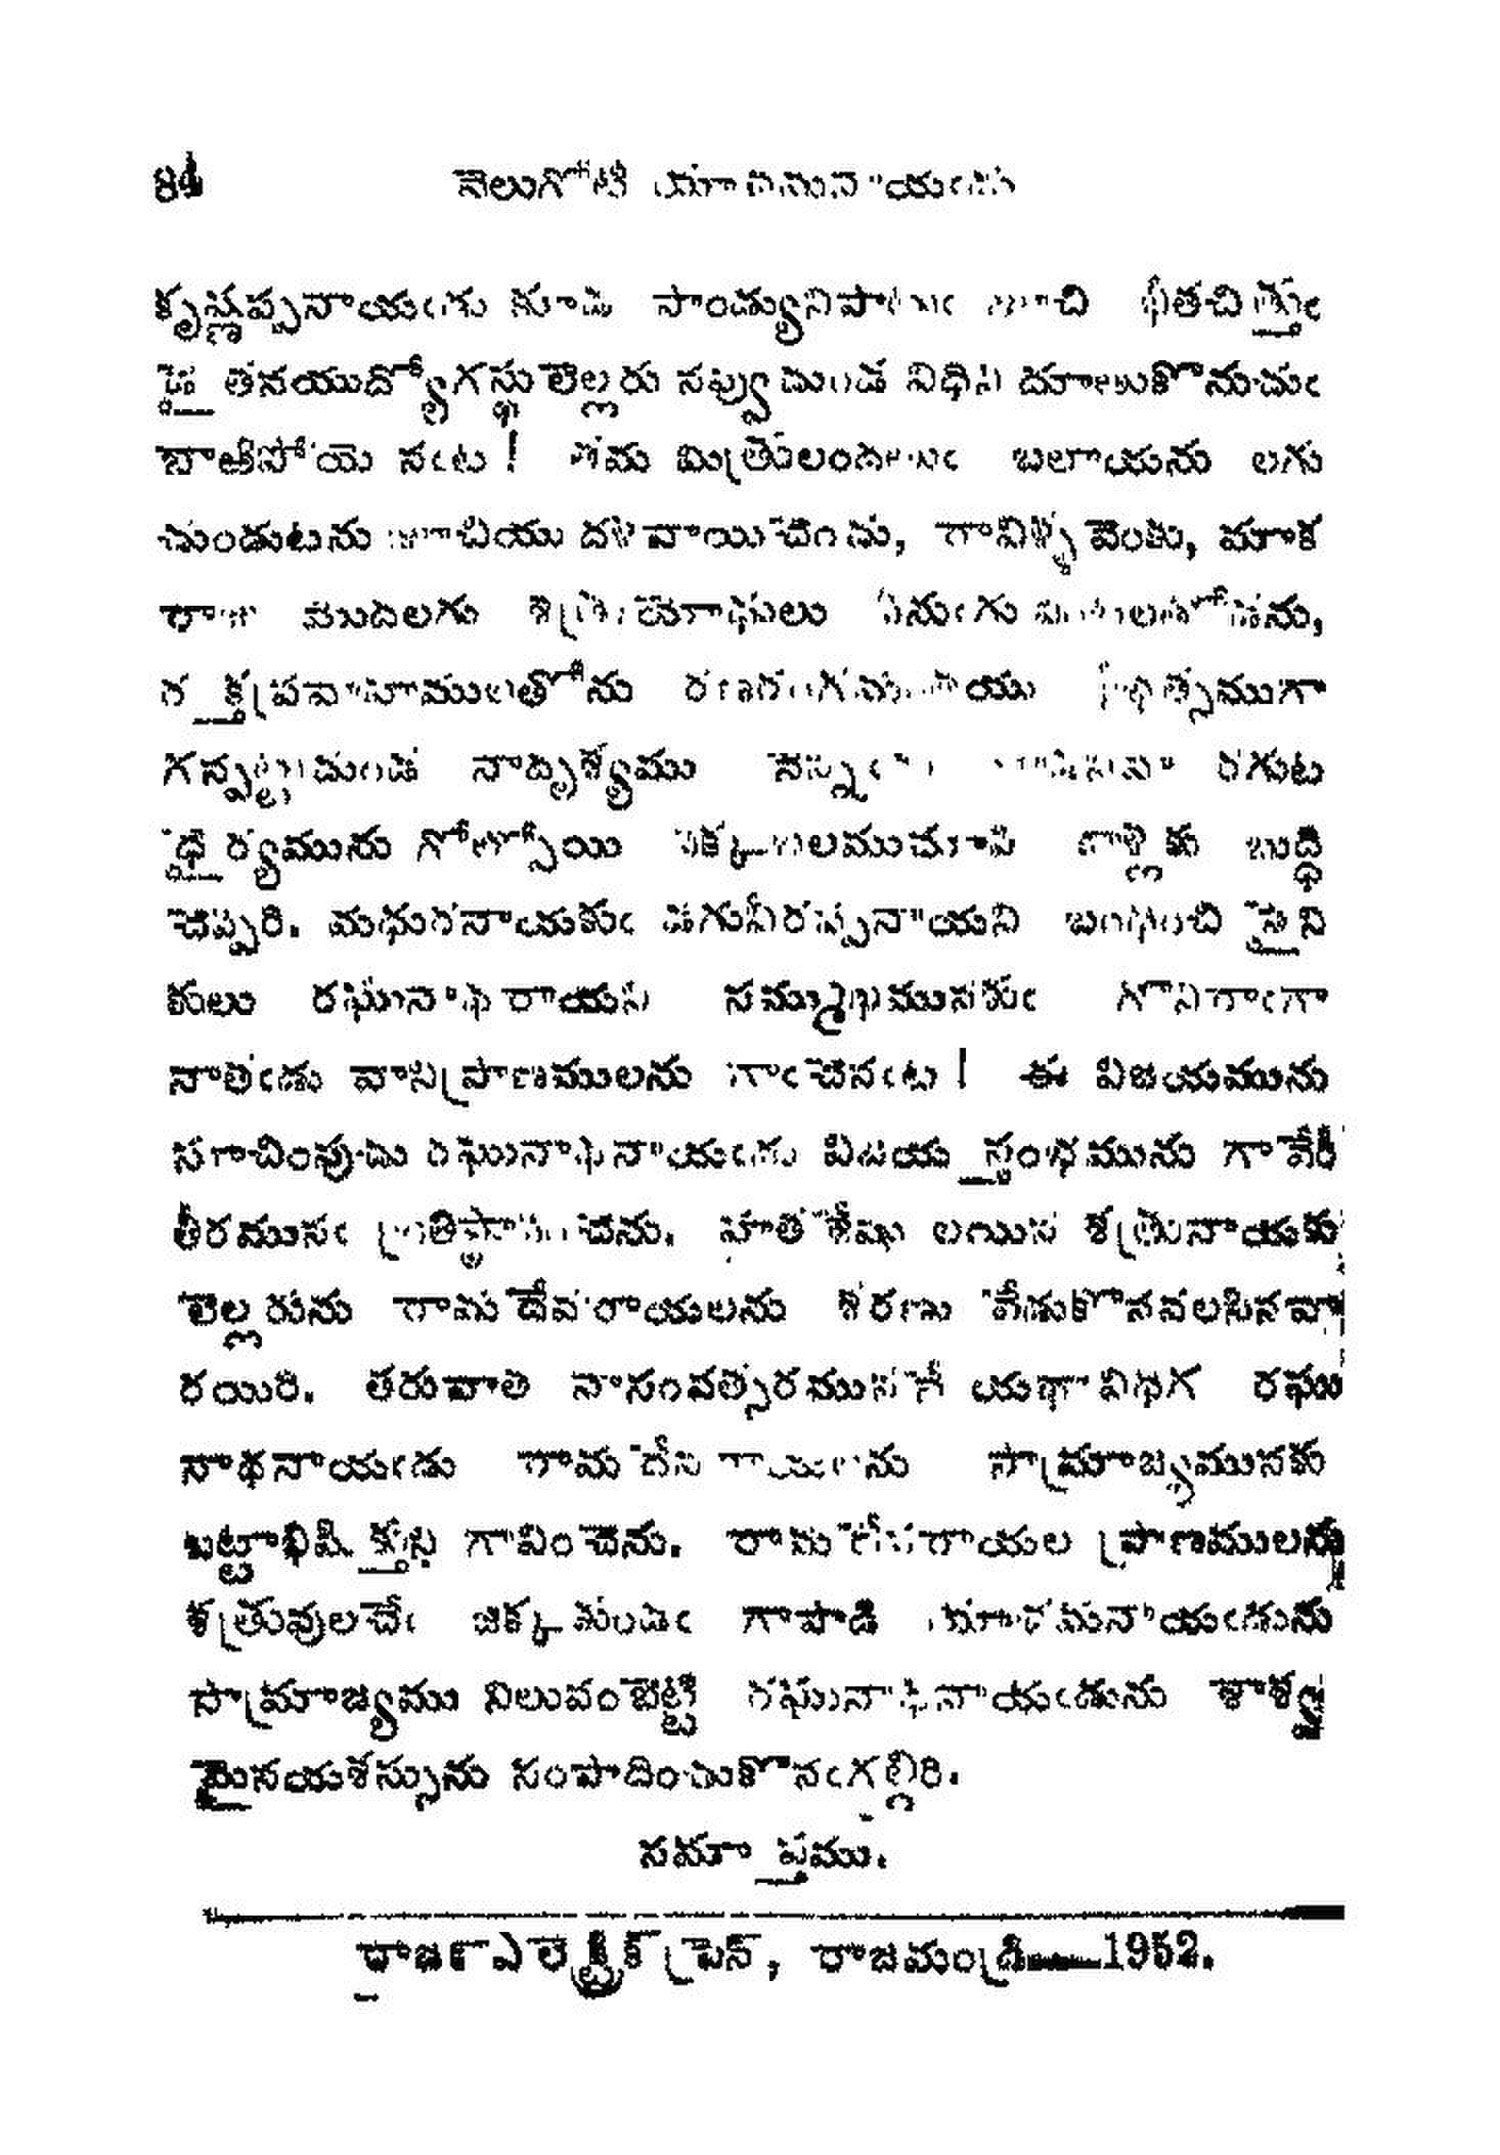కృష్ణప్పనాయఁడు కూడ పాండ్యునిపాటుఁ జూచి భీతచిత్తుఁ డై తనయుద్యోగస్థులెల్లరు నవ్వుచుండ విధిని దూఱుకొనుచుఁ బాఱిపోయె నఁట ! తమ మిత్రులందఱుఁ బలాయను లగు చుండుటను జూచియు దళవాయిచెండు, రావిళ్ళ వెంకు, మాక రాజు మొదలగు శత్రుయోధులు ఏనుఁగు ఘంటలతోడను, రక్తప్రవాహములతోను రణరంగమంతయు భీభత్సముగా గన్పట్టుచుండ నాదృశ్యము నెన్నఁడు చూడనివా రగుట ధైర్యమును గోల్పోయి పక్కబలముచూసి కాళ్లకు బుద్ధి చెప్పిరి. మధురనాయకుఁ డగువీరప్పనాయని బంధించి సైనికులు రఘునాథరాయని సమ్ముఖమునకుఁ గొనిరాఁగా నాతఁడు వానిప్రాణములను గాఁచెనఁట! ఈ విజయమును సూచింపుచు రఘునాథనాయఁడు విజయస్తంభమును గావేరీ తీరమునఁ బ్రతిష్ఠాపించెను. హతశేషు లయిన శత్రునాయకు లెల్లరును రామదేవరాయలను శరణు వేడుకొనవలసినవా రయిరి. తరువాత నాసంవత్సరముననే యథావిధిగ రఘునాథనాయఁడు రామదేవరాయలను సామ్రాజ్యమునకు బట్టాభిషిక్తుని గావించెను. రామదేవరాయల ప్రాణములను శత్రువులచేఁ జిక్కకుండఁ గాపాడి యాచమనాయఁడును సామ్రాజ్యము నిలువంబెట్టి రఘునాథనాయఁడును శాశ్వతమైనయశస్సును సంపాదించుకొనఁగల్గిరి.